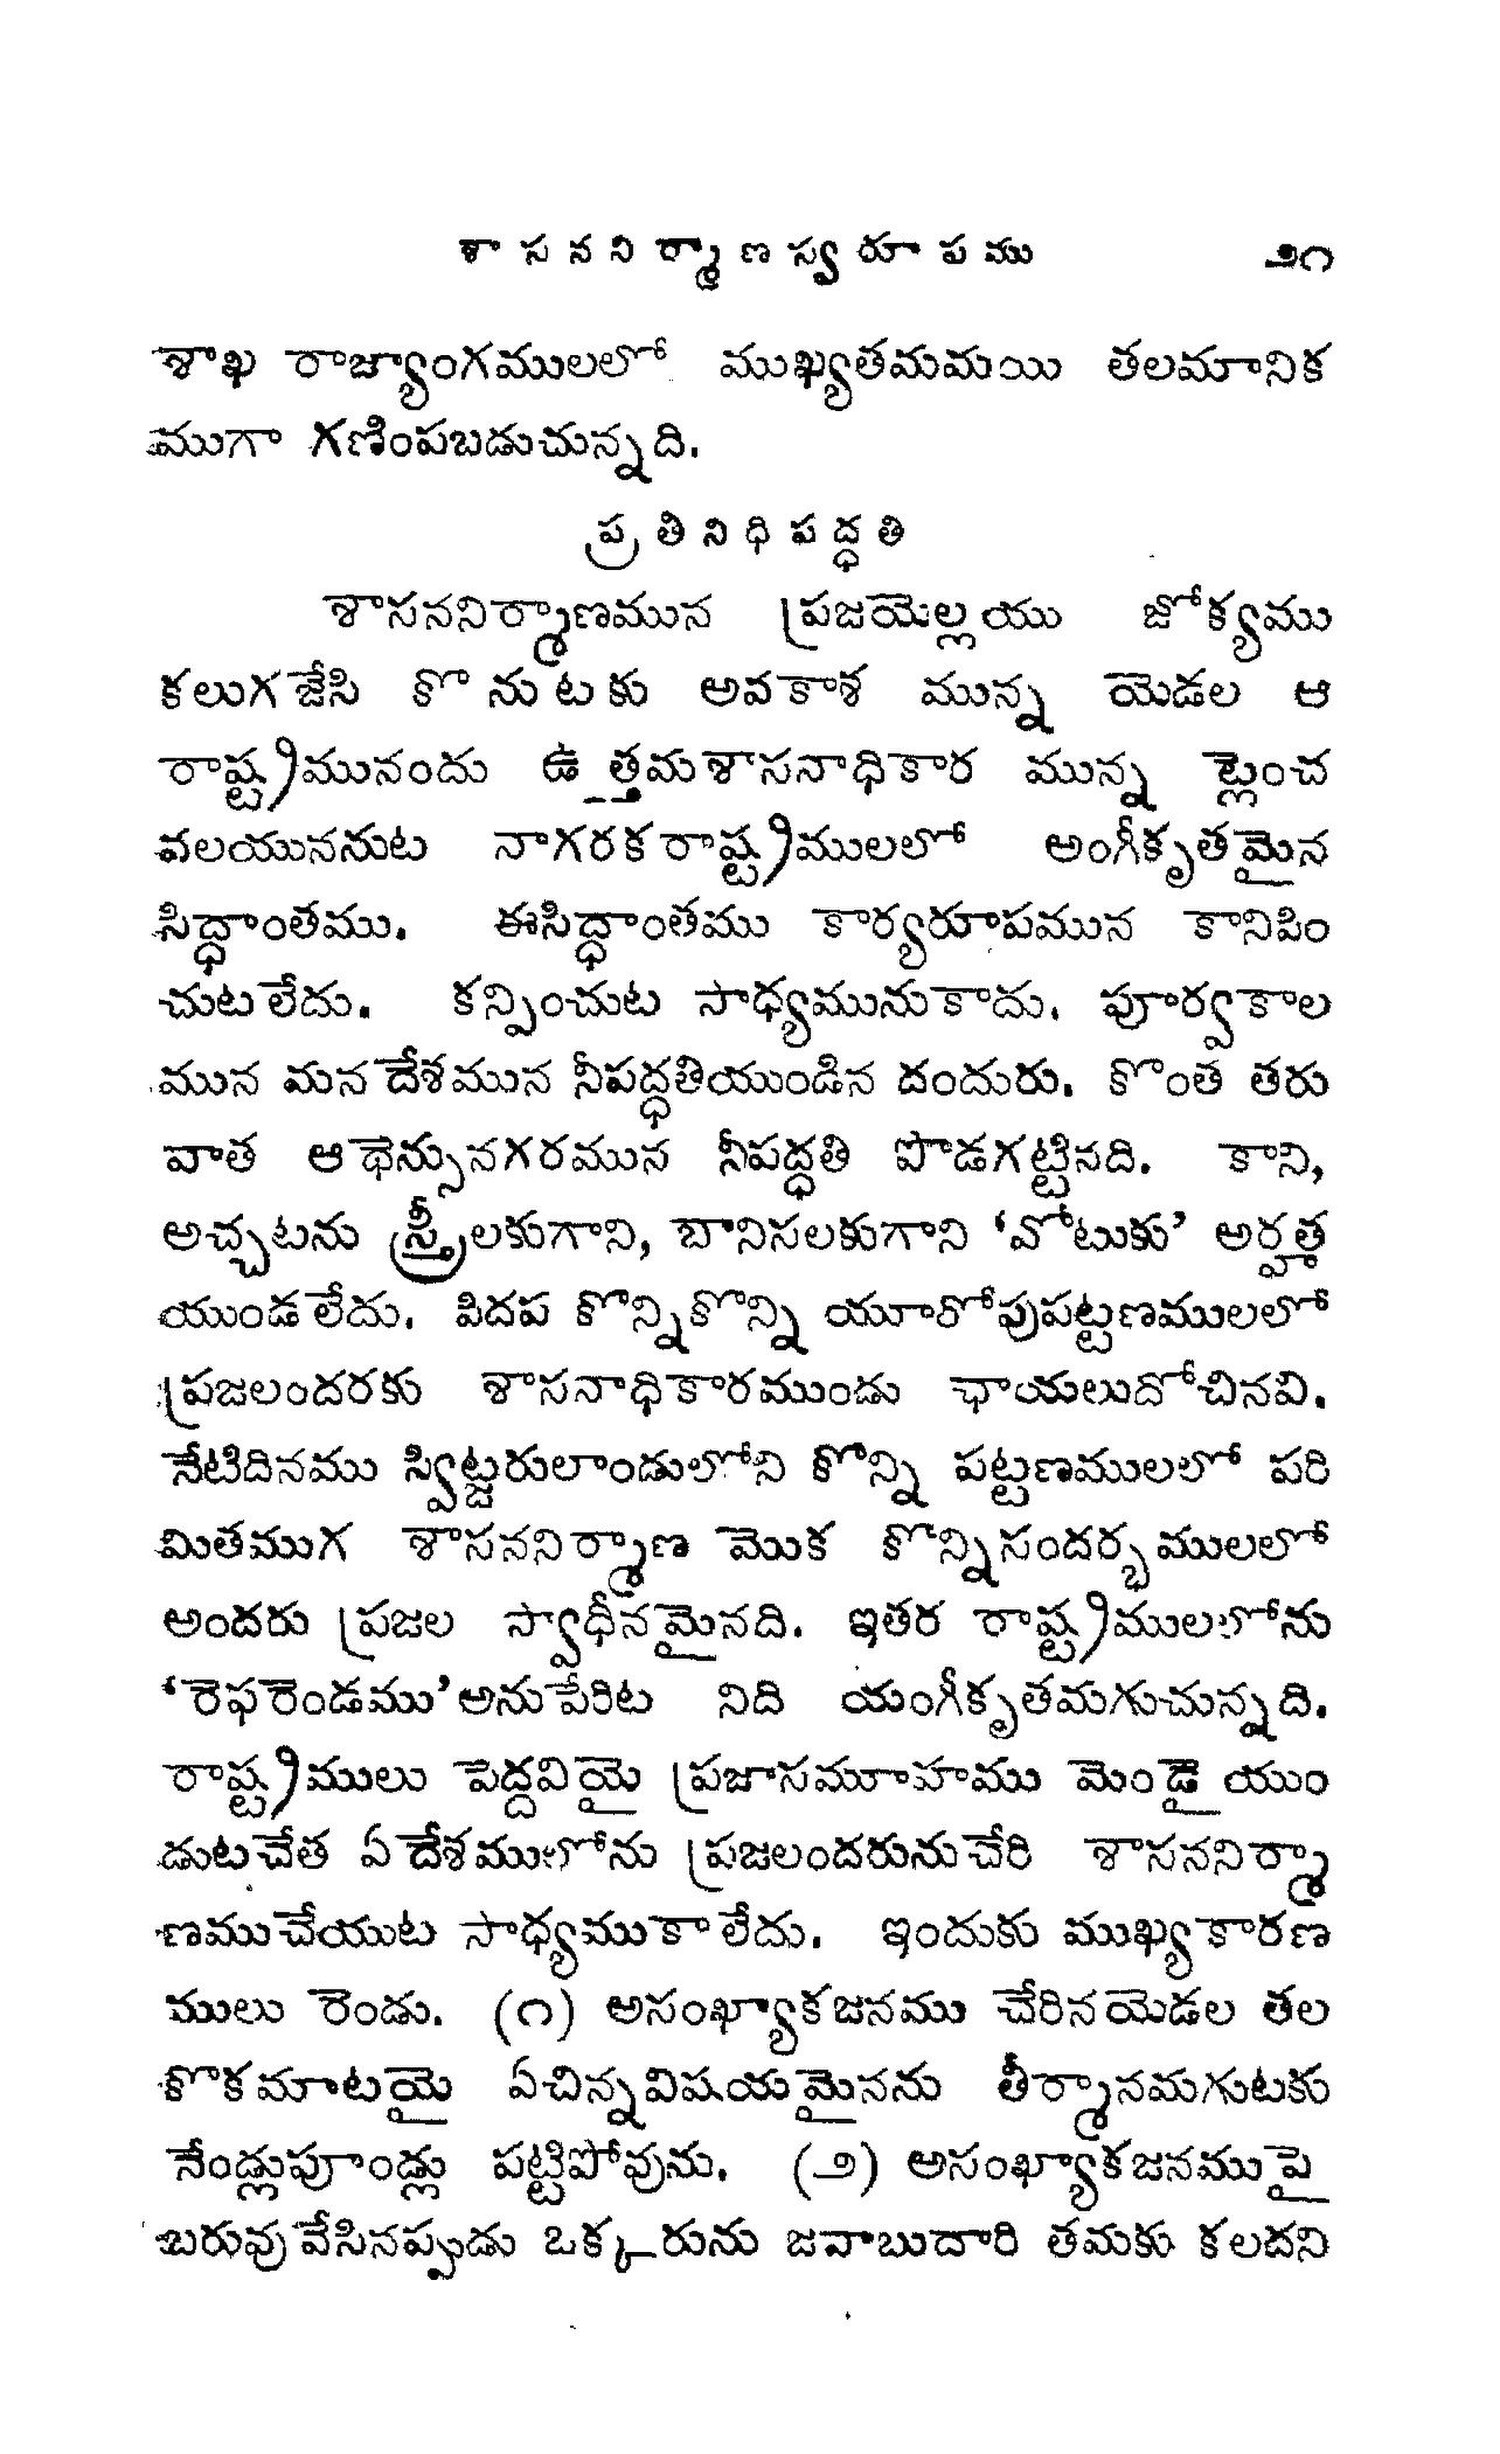శాఖ రాజ్యాంగములలో ముఖ్యతమమయి తలమానికముగా గణింపబడుచున్నది.

శాసననిర్మాణమున ప్రజయెల్లయు జోక్యము కలుగజేసి కొనుటకు అవకాశ మున్న యెడల ఆ 
రాష్ట్రమునందు ఉత్తమశాసనాధికార మున్న ట్లెంచవలయుననుట నాగరకరాష్ట్రములలో అంగీకృతమైన సిద్ధాంతము. ఈసిద్ధాంతము కార్యరూపమున కానిపించుటలేదు. కన్పించుట సాధ్యమునుకాదు. పూర్వకాలమున మనదేశమున నీపద్ధతియుండిన దందురు. కొంత తరువాత ఆథెన్సునగరమున నీపద్ధతి పొడగట్టినది. కాని, అచ్చటను స్త్రీలకుగాని, బానిసలకుగాని 'వోటుకు' అర్హత యుండలేదు. పిదప కొన్నికొన్ని యూరోపుపట్టణములలో ప్రజలందరకు శాసనాధికారముండు ఛాయలుదోచినవి. నేటిదినము స్విట్జరులాండులోని కొన్ని పట్టణములలో పరిమితముగ శాసననిర్మాణ మొక కొన్నిసందర్భములలో అందరు ప్రజల స్వాధీనమైనది. ఇతర రాష్ట్రములలోను 'రెఫరెండము' అనుపేరిట నిది యంగీకృతమగుచున్నది. రాష్ట్రములు పెద్దవియై ప్రజాసమూహము మెండై యుండుటచేత ఏ దేశములోను ప్రజలందరునుచేరి శాసననిర్మాణముచేయుట సాధ్యముకాలేదు. ఇందుకు ముఖ్యకారణములు రెండు. (1) అసంఖ్యాకజనము చేరినయెడల తలకొకమాటయై ఏచిన్న విషయమైనను తీర్మానమగుటకు నేండ్లుపూండ్లు పట్టిపోవును. (2) అసంఖ్యాకజనముపై బరువు వేసినప్పుడు ఒక్కరును జవాబుదారి తమకు కలదని